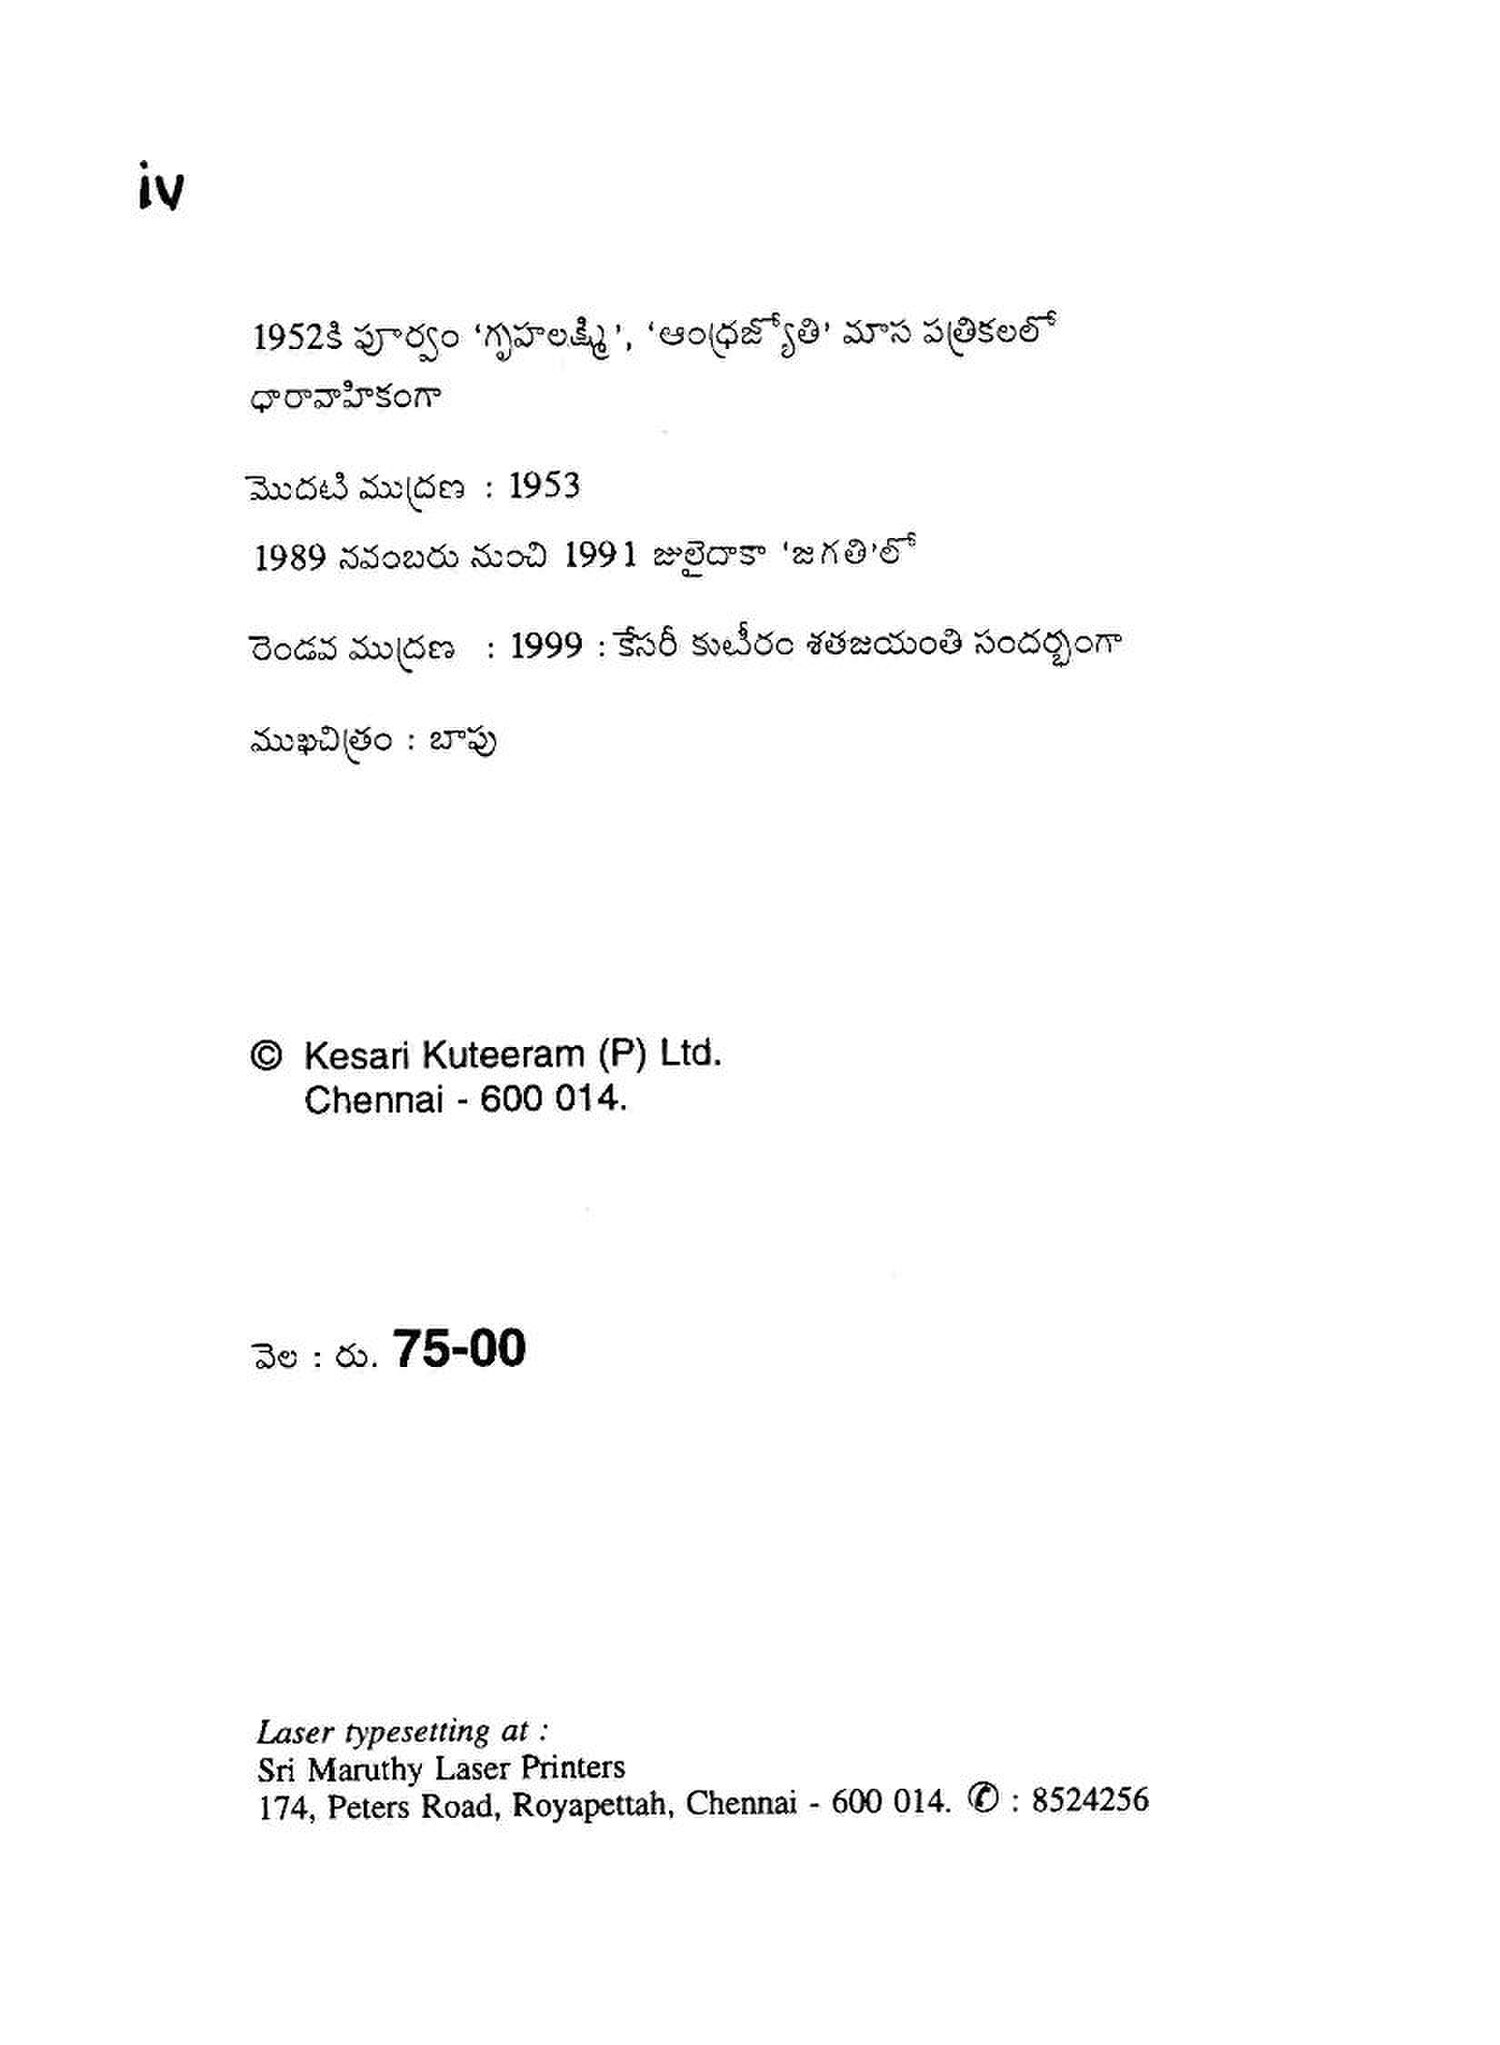1952 కి పూర్వం 'గృహలక్ష్మి', 'ఆంధ్రజ్యోతి' మాస పత్రికలలో ధారావాహికంగా

మొదటి ముద్రణ : 1953

1989 నవంబరు నుంచి 1991 జులైదాకా 'జగతి'లో

రెండవ ముద్రణ : 1999 : కేసరీ కుటీరం శతజయంతి సందర్బంగా

ముఖచిత్రం : బాపు

Kesari Kuteeram (P) Ltd.

Chennai - 600 014.

వెల : రు. 75-00

Laser typesetting at ː

Sri Maruthy Laser Printers

174, Peters Road, Royapettah, Chennai - 600 014. Phone ː 8524256